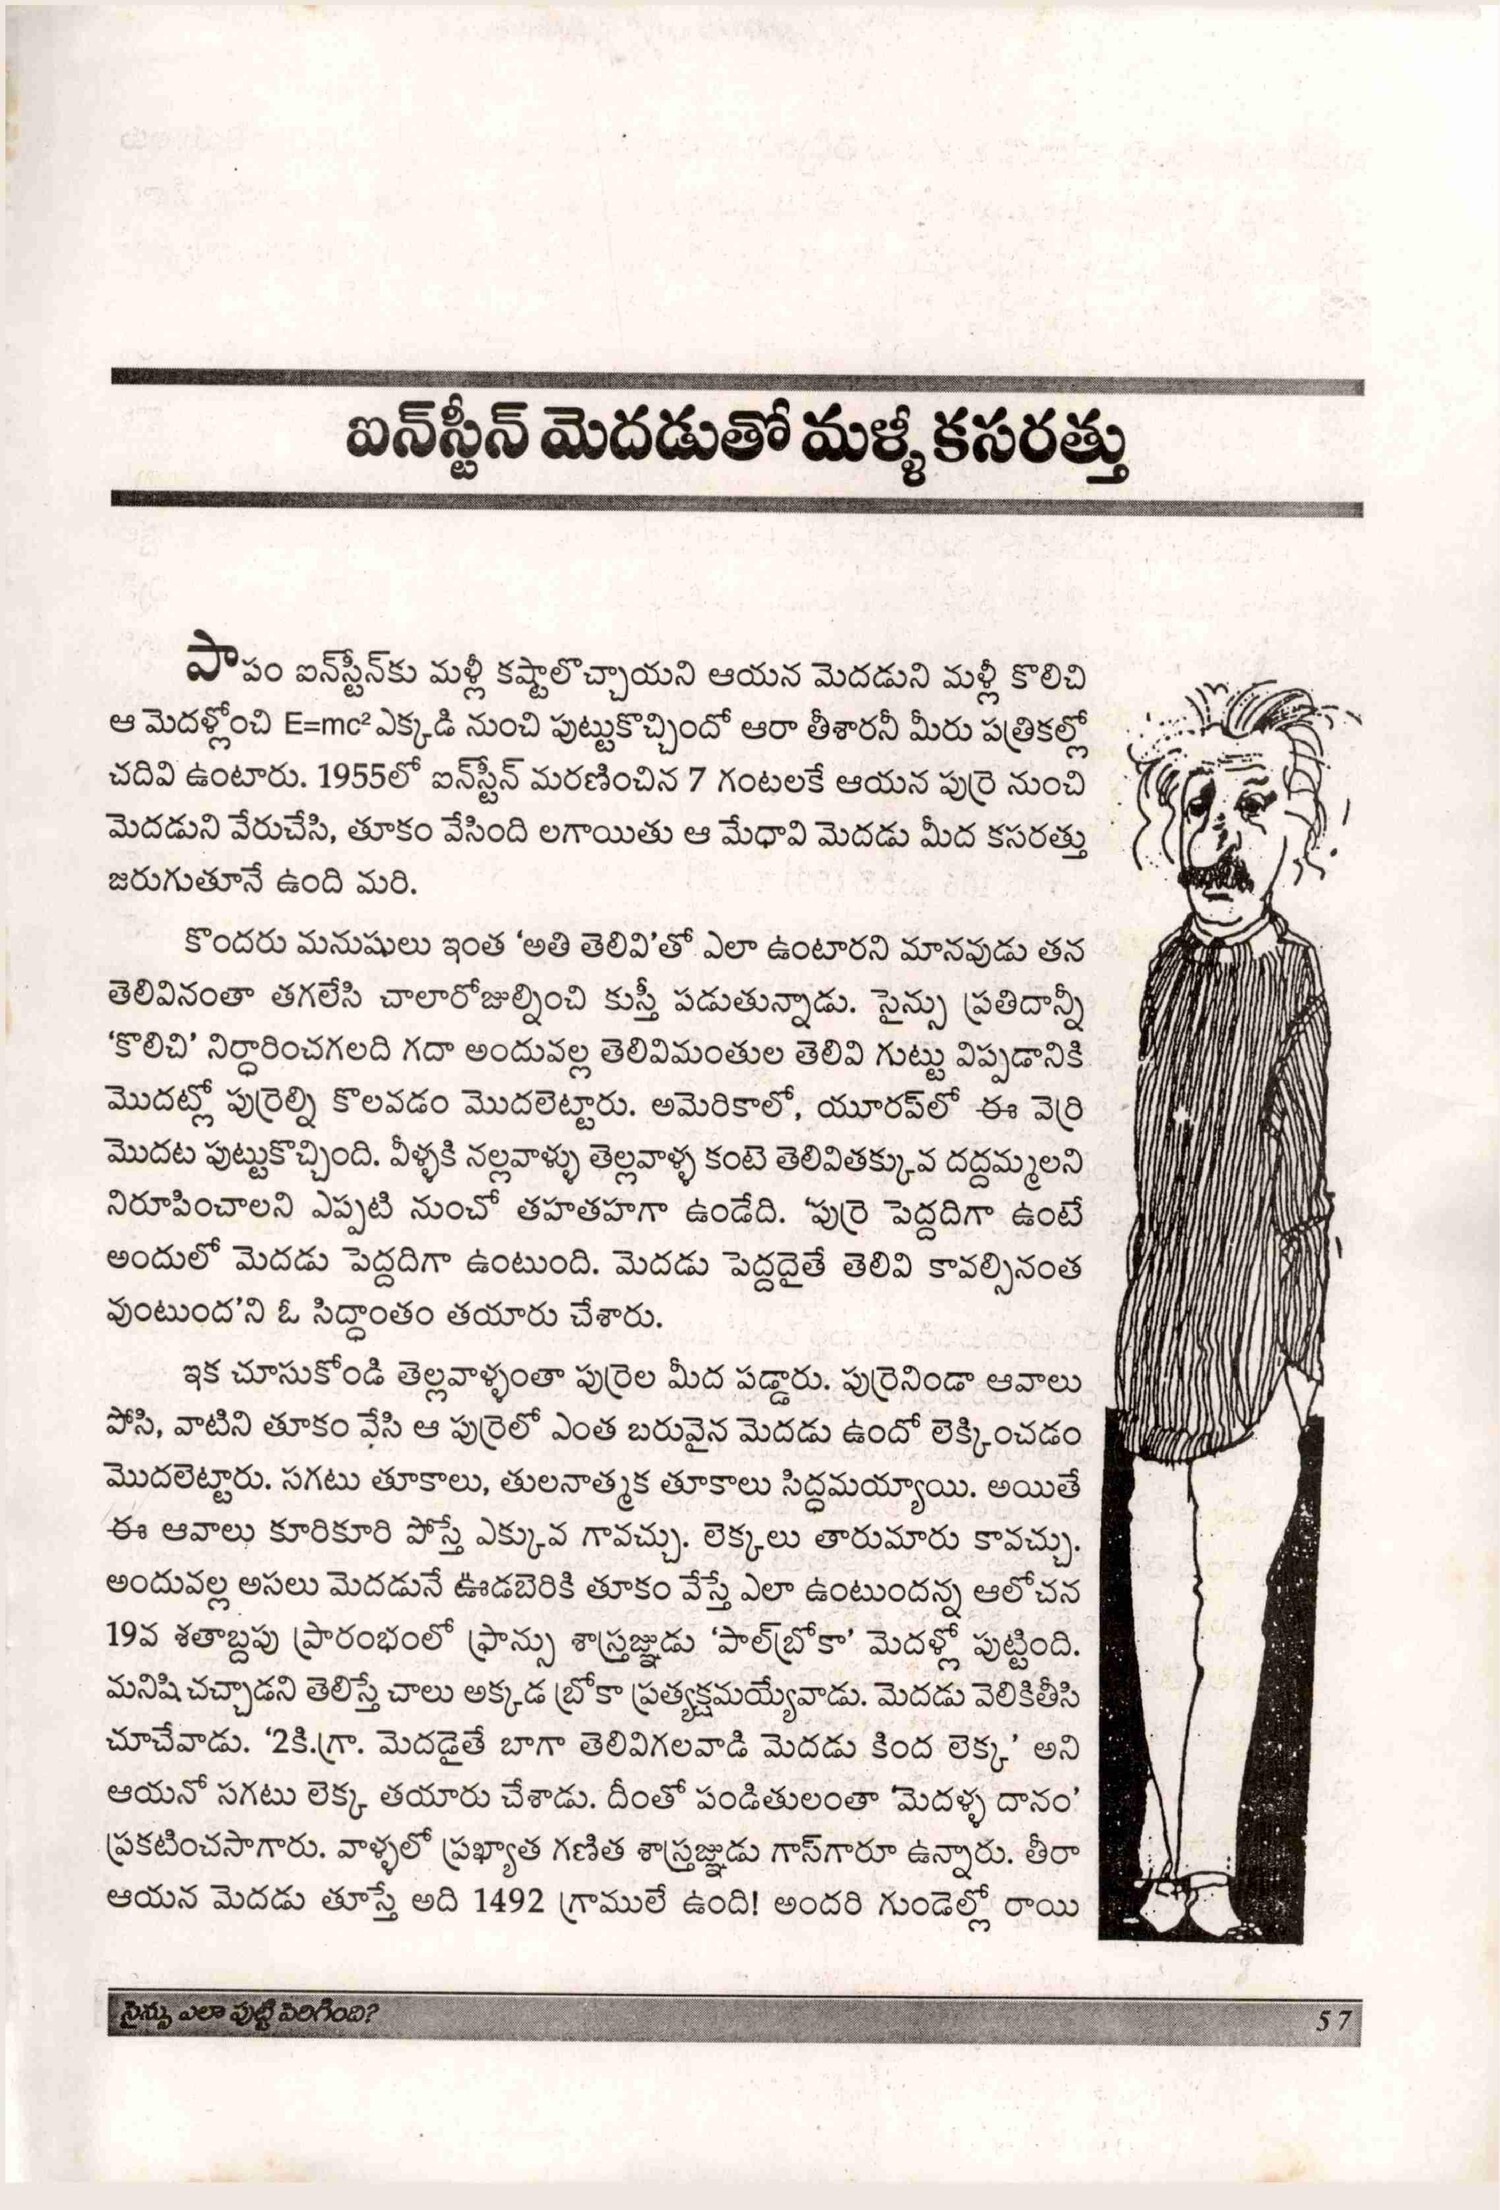ఐన్‌స్టీన్ మెదడుతో మళ్ళీ కసరత్తు

పాపం ఐన్‌స్టీన్‌కు మళ్లీ కష్టాలొచ్చాయని ఆయన మెదడుని మళ్లీ కొలిచి ఆ మెదళ్లోంచి E=mc2 ఎక్కడి నుంచి పుట్టుకొచ్చిందో ఆరా తీశారనీ మీరు పత్రికల్లో చదివి ఉంటారు. 1955లో ఐన్‌స్టీన్ మరణించిన 7 గంటలకే ఆయన పుర్రె నుంచి మెదడుని వేరుచేసి, తూకం వేసింది లగాయితు ఆ మేధావి మెదడు మీద కసరత్తు జరుగుతూనే ఉంది మరి.

కొందరు మనుషులు ఇంత 'అతి తెలివి'తో ఎలా ఉంటారని మానవుడు తన తెలివినంతా తగలేసి చాలారోజుల్నించి కుస్తీ పడుతున్నాడు. సైన్సు ప్రతిదాన్నీ 'కొలిచి' నిర్ధారించగలది గదా అందువల్ల తెలివిమంతుల తెలివి గుట్టు విప్పడానికి మొదట్లో పుర్రెల్ని కొలవడం మొదలెట్టారు. అమెరికాలో, యూరప్ ఈ వెర్రి మొదట పుట్టుకొచ్చింది. వీళ్ళకి నల్లవాళ్ళు తెల్లవాళ్ళ కంటె తెలివితక్కువ దద్దమ్మలని నిరూపించాలని ఎప్పటి నుంచో తహతహగా ఉండేది. 'పుర్రె పెద్దదిగా ఉంటే అందులో మెదడు పెద్దదిగా ఉంటుంది. మెదడు పెద్దదైతే తెలివి కావల్సినంత వుంటుంద'ని ఓ సిద్ధాంతం తయారు చేశారు.

ఇక చూసుకోండి తెల్లవాళ్ళంతా పుర్రెల మీద పడ్డారు. పుర్రెనిండా ఆవాలు పోసి, వాటిని తూకం వేసి ఆ పుర్రెలో ఎంత బరువైన మెదడు ఉందో లెక్కించడం మొదలెట్టారు. సగటు తూకాలు, తులనాత్మక తూకాలు సిద్ధమయ్యాయి. అయితే ఈ ఆవాలు కూరికూరి పోస్తే ఎక్కువ గావచ్చు. లెక్కలు తారుమారు కావచ్చు. అందువల్ల అసలు మెదడునే ఊడబెరికి తూకం వేస్తే ఎలా ఉంటుందన్న ఆలోచన 19వ శతాబ్దపు ప్రారంభంలో ఫ్రాన్సు శాస్త్రజ్ఞుడు 'పాల్‌బ్రోకా' మెదళ్లో పుట్టింది. మనిషి చచ్చాడని తెలిస్తే చాలు అక్కడ బ్రోకా ప్రత్యక్షమయ్యేవాడు. మెదడు వెలికితీసి చూచేవాడు. '2కి.గ్రా. మెదడైతే బాగా తెలివిగలవాడి మెదడు కింద లెక్క' అని ఆయనో సగటు లెక్క తయారు చేశాడు. దీంతో పండితులంతా 'మెదళ్ళ దానం' ప్రకటించసాగారు. వాళ్ళలో ప్రఖ్యాత గణిత శాస్త్రజ్ఞుడు గాస్‌గారూ ఉన్నారు. తీరా
ఆయన మెదడు తూస్తే అది 1492 గ్రాములే ఉంది! అందరి గుండెల్లో రాయి